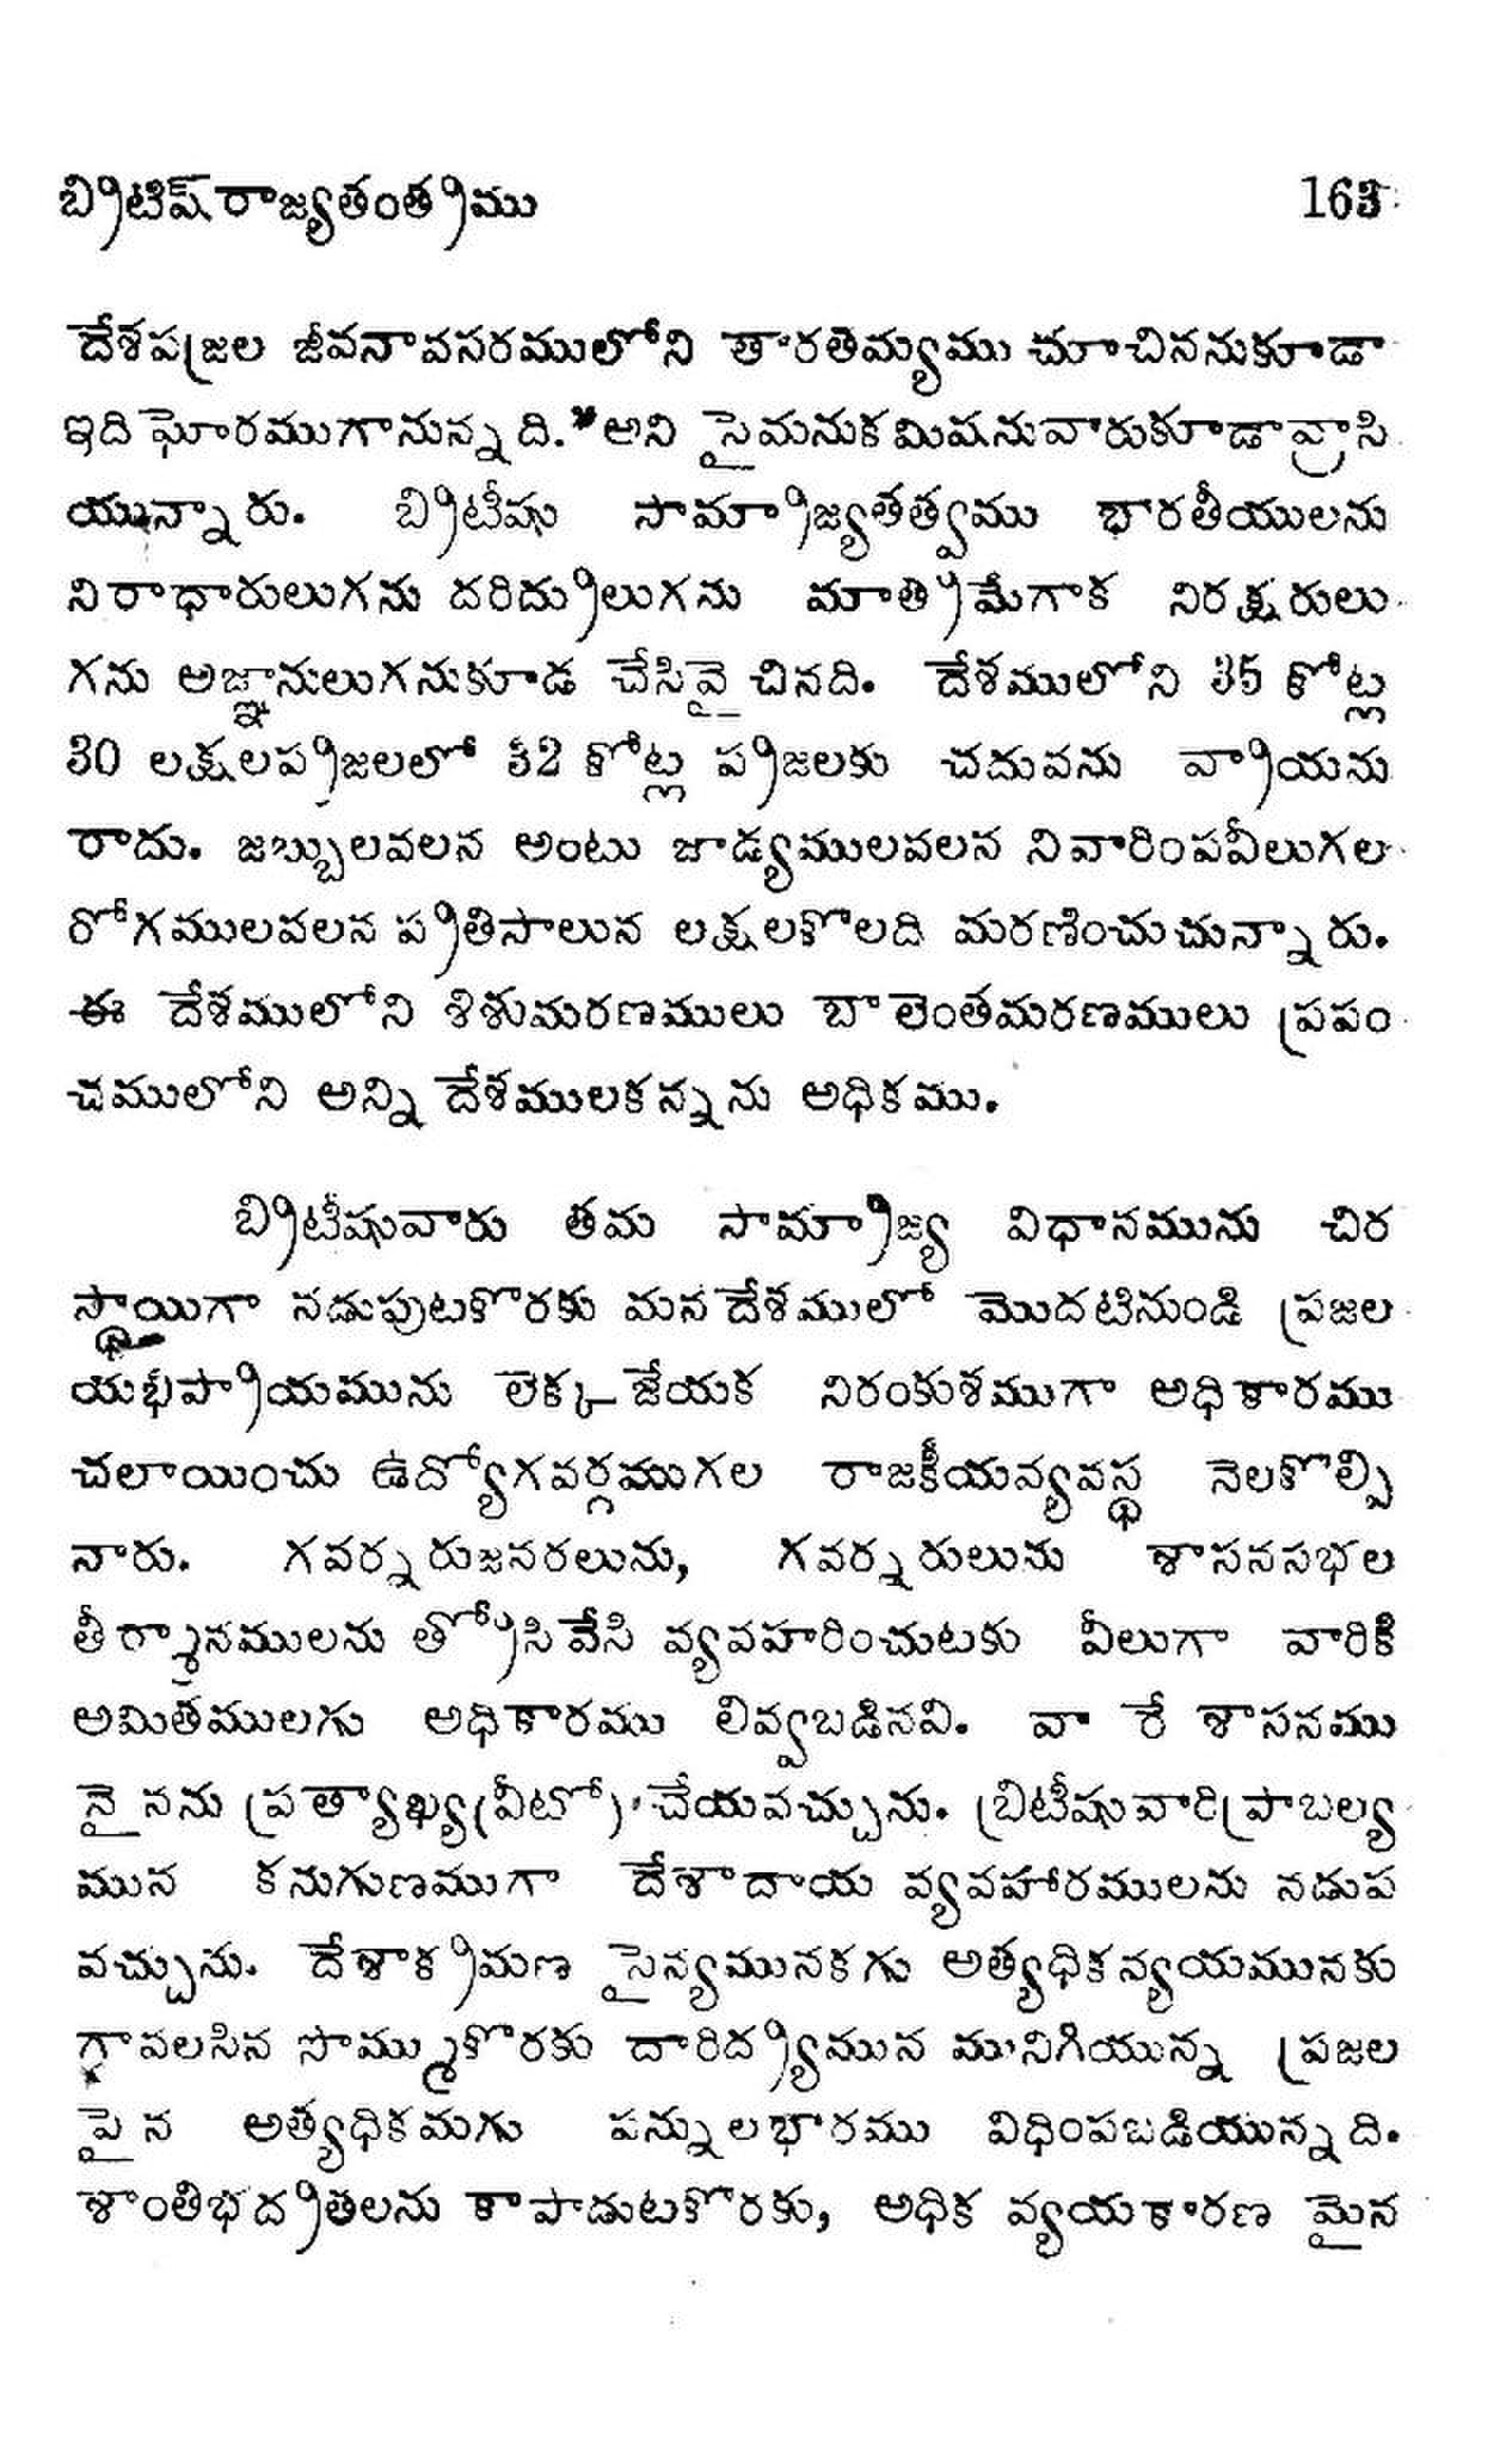దేశప్రజల జీవనావసరములోని తారతమ్యము చూచిననుకూడా ఇది ఘోరముగానున్నది.” అని సైమనుకమిషనువారు కూడా వ్రాసియున్నారు. బ్రిటీషు సామ్రాజ్యతత్వము భారతీయులను నిరాధారులుగను దరిద్రులుగను మాత్రమేగాక నిరక్షరులుగను అజ్ఞానులుగనుకూడ చేసివైచినది. దేశములోని 35 కోట్ల 30 లక్షల ప్రజలలో 32 కోట్ల ప్రజలకు చదువను వ్రాయను రాదు. జబ్బులవలన అంటు జాడ్యములవలన నివారింపవీలుగల రోగములవలన ప్రతిసాలున లక్షలకొలది మరణించుచున్నారు. ఈ దేశములోని శిశుమరణములు బాలెంతమరణములు ప్రపంచములోని అన్ని దేశములకన్నను అధికము.

బ్రిటీషువారు తమ సామ్రాజ్య విధానమును చిరస్థాయిగా నడుపుటకొరకు మనదేశములో మొదటినుండి ప్రజల యభిప్రాయమును లెక్కజేయక నిరంకుశముగా అధికారము చలాయించు ఉద్యోగవర్గముగల రాజకీయవ్యవస్థ నెలకొల్పినారు. గవర్నరుజనరలును, గవర్నరులును శాసనసభల తీర్మానములను త్రోసివేసి వ్యవహరించుటకు వీలుగా వారికి అమితములగు అధికారము లివ్వబడినవి. వా రే శాసనమునైనను ప్రత్యాఖ్య(వీటో) చేయవచ్చును. బ్రిటీషువారి ప్రాబల్యమున కనుగుణముగా దేశాదాయ వ్యవహారములను నడుపవచ్చును. దేశాక్రమణ సైన్యమునకగు అత్యధిక వ్యయమునకు గావలసిన సొమ్ముకొరకు దారిద్ర్యమున మునిగియున్న ప్రజలపైన అత్యధికమగు పన్నులభారము విధింపబడియున్నది. శాంతిభద్రతలను కాపాడుటకొరకు, అధిక వ్యయకారణ మైన